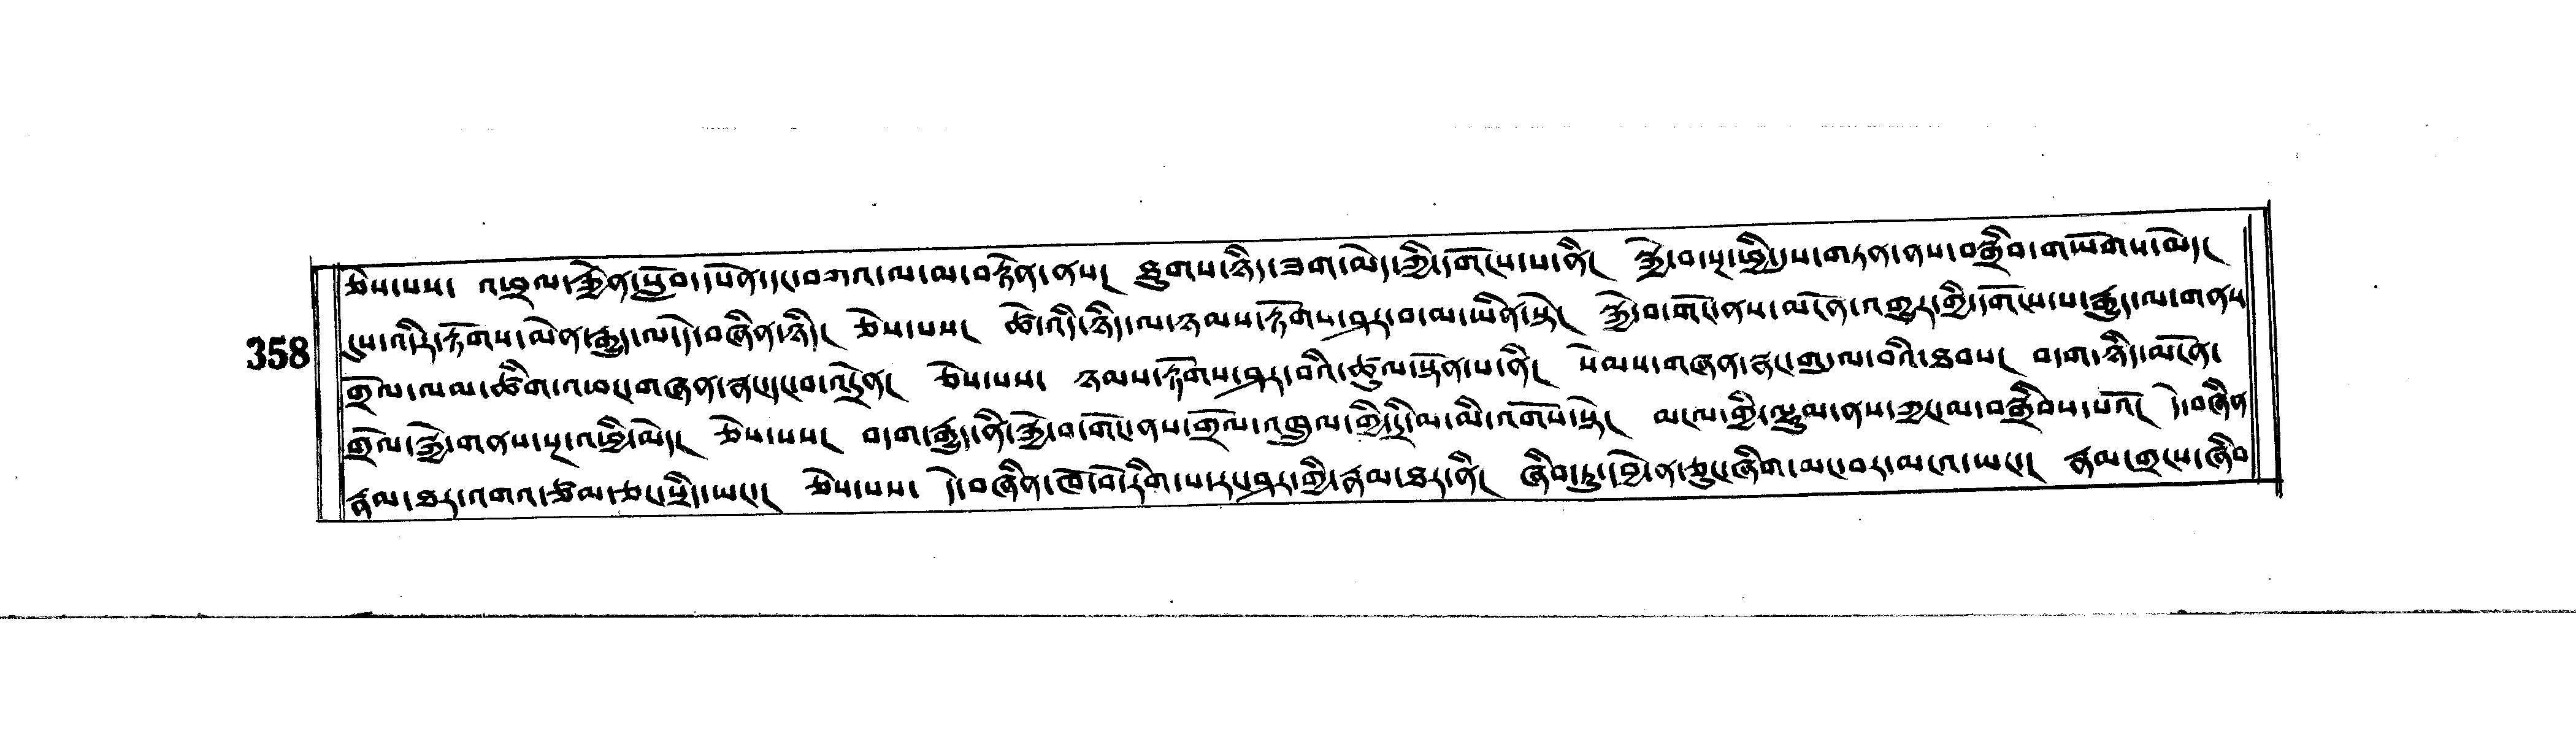ཅེས་པས། འཕྲལ་རྐྱེན་སློབ་དཔོན་དང་བཀའ་ལ་མ་བརྟེན་ནས། ཐུགས་ཉིད་ཟག་མེད་ཀྱི་དགོངས་པ་ནི། སྐྱེ་བ་སྔ་ཕྱི་དུས་གཏན་ནས་སྒྲིབ་གཡོགས་མེད། 
དུས་འདིར་རྟོགས་མེན་རྒྱུད་ལ་དེ་བཞིན་ཉིད། ཅེས་པས། ཚེ་འདི་ཉིད་ལ་ཉམས་རྟོགས་ཤར་བ་མ་ཡིན་ཏེ། སྐྱེ་བ་གོང་ནས་མངོན་གྱུར་གྱི་དགོངས་པ་རྒྱུད་ལ་གནས། 
གྲོལ་ལམ་ཚིག་འཕང་གཞན་སྣང་དང་བ་འདྲེན། ཅེས་པས། ཉམས་རྟོགས་ཤར་བའི་ཚུལ་བསྟན་པ་ནི། སེམས་གཞན་སྣང་འདུལ་བའི་ཐབས། བདག་ཉིད་མངོན་
གྲོལ་སྐྱེ་གནས་སྔ་ཕྱི་མེད། ཅེས་པས། བདག་རྒྱུད་ནི་སྐྱེ་བ་གོང་ནས་གྲོལ་འཁྲུལ་གྱི་དྲི་མ་མི་འགོས་ཏེ། མངལ་གྱི་ལྷུམ་ནས་ཀྱང་མ་བསྒྲིབས་པའོ། དེ་བཞིན་
རྣམ་ཐར་འགའ་ཙམ་ཅང་སྲིད་ཡང་། ཅེས་པས། དེ་བཞིན་ཁོ་བོ་རིག་པ་རང་ཤར་གྱི་རྣམ་ཐར་ནི། ཞིབ་ཏུ་དབྱེ་ན་ཅུང་ཞིག་མང་བར་མངའ་ཡང་། རྣམ་གྲངས་ཞིབ་